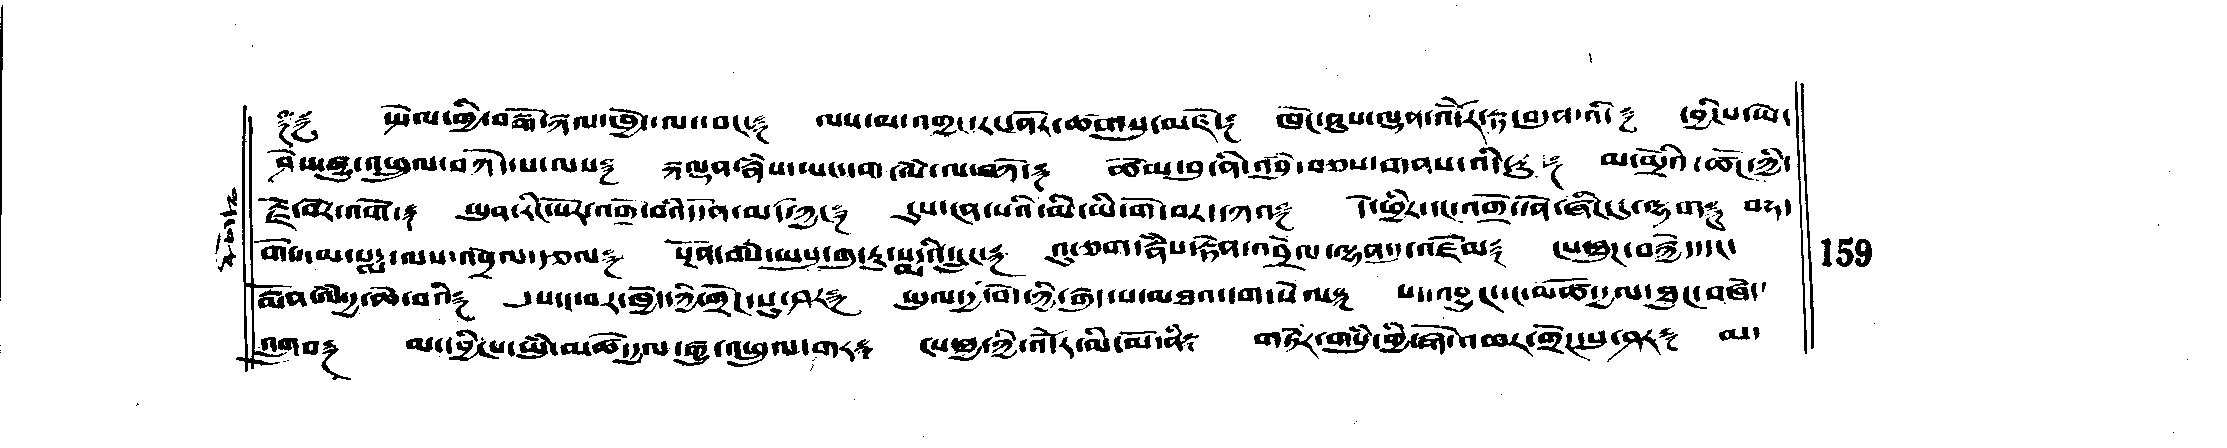སྤེལ་གྱི་བགོ་སྐལ་ཁྱོད་ལ་དབང་། །ལས་མ་འགྱང་རང་ནོར་ཚགས་སུ་མཛོད། །ཁོང་ནུས་ལྡན་འོད་ཟེར་རྟ་བདུན་འདི། །དབྱིངས་ཡེ་
ཤེས་སྒྱུ་འཕྲུལ་བཀོད་པ་ལས། །སྐལ་ལྡན་རྣམས་ཡང་དག་ལམ་ལ་བཀོད། །ཚོམ་བུ་ནི་འབུམ་བཅས་གནས་འདི་རུ། །མ་མཁའ་འགྲོའི་ཚོགས་ཀྱི་1$1000300
རྗེ་བོར་འགོད། །ཡུན་རིང་པོར་འགྲོ་བའི་དོན་མཛད་ཀྱང་། །དུས་ངན་པའི་མི་ཡི་གོ་བར་དཀའ། །དེ་ཕྱིར་དང་འགྲོ་དོན་ཞིང་དུ་ལྷག །བརྡ་
གོ་འམ་པདྨ་ལས་འབྲེལ་རྩལ། །སྔོན་བསམ་ཡས་སུ་གུ་རུ་པདྨའི་དྲུང་། །འུ་ཅག་རྣམས་རྟེན་འབྲེལ་ལྷན་དུ་འཛོམ། །ངས་ཐུགས་བསྐྱེད་དང་
སྨོན་ལམ་རྒྱ་ཆེ་བའི། །དུས་ད་བར་ཁྱོད་ཀྱི་གྲོགས་སུ་ཤར། །ཡུལ་རྒྱ་བོད་ཀྱི་རྒུད་པ་མཐའ་དག་སེལ། །པད་འབྱུང་དང་མཚོ་རྒྱལ་ཐུགས་བཞེད་
འགྲུབ། །མ་དབྱིངས་ཡུམ་མཚོ་རྒྱལ་སྒྱུ་འཕྲུལ་གར། །ངས་ཐུགས་ཀྱི་འོད་ཟེར་མི་མོ་ནི། །གཏེར་གསུམ་གྱི་སྒོ་འཆར་གྲོགས་སུ་ཤར། །མ་